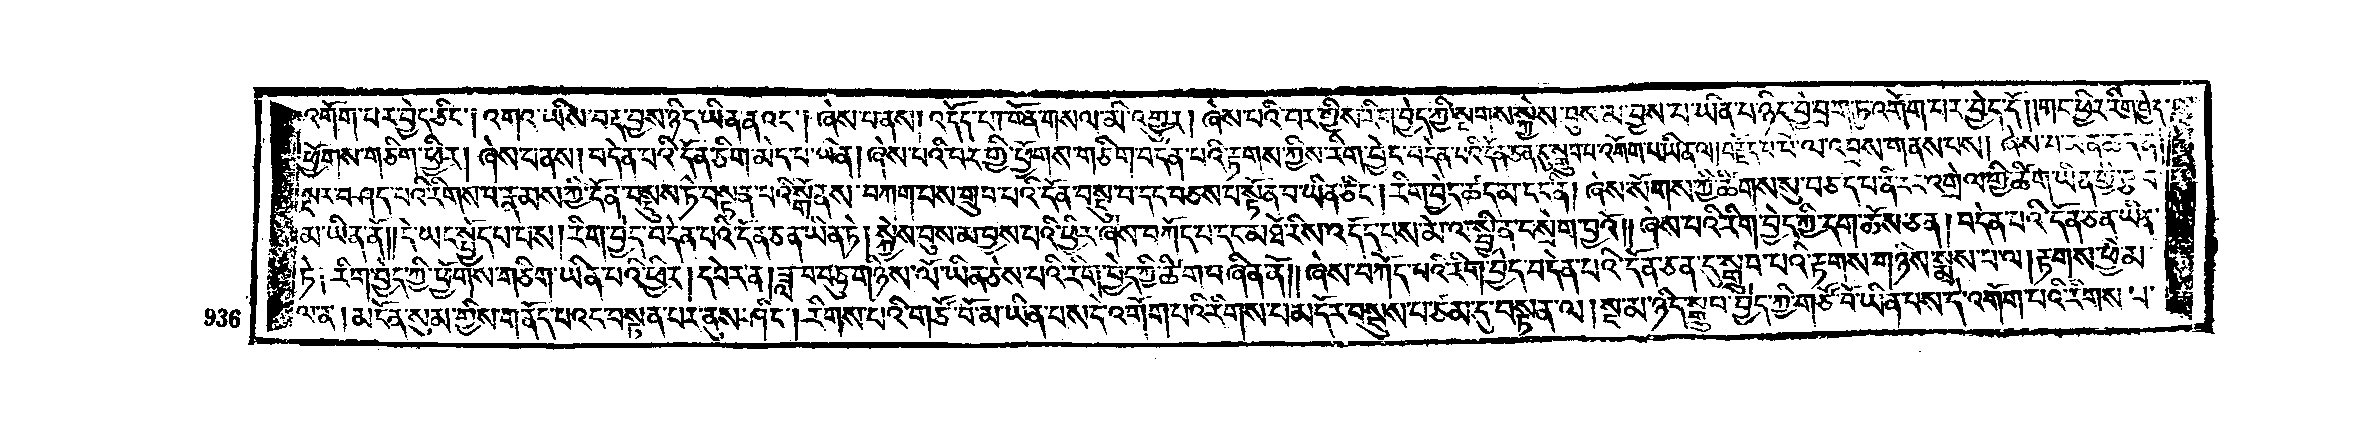འགོག་པར་བྱེད་ཅིང་། འགའ་ཡིས་བརྡ་བྱས་ཉིད་ཡིན་ནའང་། ཞེས་པ་ནས། འདོད་པ་ཁོ་ན་གསལ་མི་འགྱུར། ཞེས་པའི་བར་གྱིས་རིག་བྱེད་ཀྱི་སྔགས་སྐྱེས་བུས་མ་བྱས་པ་ཡིན་པ་ཉིད་བྱེ་བྲག་ཏུ་འགོག་པར་བྱེད་དོ། །གང་ཕྱིར་རིག་བྱེད་
ཕྱོགས་གཅིག་ཕྱིར། ཞེས་པ་ནས། བདེན་པའི་དོན་ཅིག་མེད་པ་ཡིན། ཞེས་པའི་བར་གྱི་ཕྱོགས་གཅིག་བདེན་པའི་རྟགས་ཀྱིས་རིག་བྱེད་བདེན་པའི་དོན་ཅན་དུ་སྒྲུབ་པ་འགོག་པ་ཡིན་ལ། བརྗོད་པ་པོ་ལ་འབྲས་གནས་པས། ཞེས་པ་མན་ཆད་ན་
སྔར་བཤད་པའི་རིགས་པ་རྣམས་ཀྱི་དོན་བསྡུས་ཏེ་བསྟན་པའི་སྒོ་ནས་བཀག་པས་གྲུབ་པའི་དོན་བསྡུ་བ་དང་བཅས་པ་སྟོན་པ་ཡིན་ཅིང་། རིག་བྱེད་ཚད་མ་དང་ནི། ཞེས་སོགས་ཀྱི་ཚིགས་སུ་བཅད་པ་ནི་རང་འགྲེལ་གྱི་ཚིག་ཡིན་གྱི་རྩ་བ་
མ་ཡིན་ནོ། །དེ་ཡང་སྤྱོད་པ་པས། རིག་བྱེད་བདེན་པའི་དོན་ཅན་ཡིན་ཏེ། སྐྱེས་བུས་མ་བྱས་པའི་ཕྱིར་ཞེས་བཀོད་པ་དང་མཐོ་རིས་འདོད་པས་མེ་ལ་སྦྱིན་བསྲེག་བྱའོ། །ཞེས་པའི་རིག་བྱེད་ཀྱི་དག་ཆོས་ཅན། བདེན་པའི་དོན་ཅན་ཡིན་
ཏེ། རིག་བྱེད་ཀྱི་ཕྱོགས་གཅིག་ཡིན་པའི་ཕྱིར། དཔེར་ན། ཟླ་བ་བཅུ་གཉིས་ལོ་ཡིན་ཅེས་པའི་རིག་བྱེད་ཀྱི་ཚིག་བཞིན་ནོ། །ཞེས་བཀོད་པའི་རིག་བྱེད་བདེན་པའི་དོན་ཅན་དུ་སྒྲུབ་པའི་རྟགས་གཉིས་སྨྲས་པ་ལ། རྟགས་ཕྱི་མ་
ལ་ནི། མངོན་སུམ་གྱིས་གནོད་པའང་བསྟན་པར་ནུས་ཤིང་། རིགས་པའི་གཙོ་བོ་མ་ཡིན་པས་དེ་འགོག་པའི་རིགས་པ་མདོར་བསྡུས་པ་ཙམ་དུ་བསྟན་ལ། སྔ་མ་ཉིད་སྒྲུབ་བྱེད་ཀྱི་གཙོ་བོ་ཡིན་པས་དེ་འགོག་པའི་རིགས་པ་